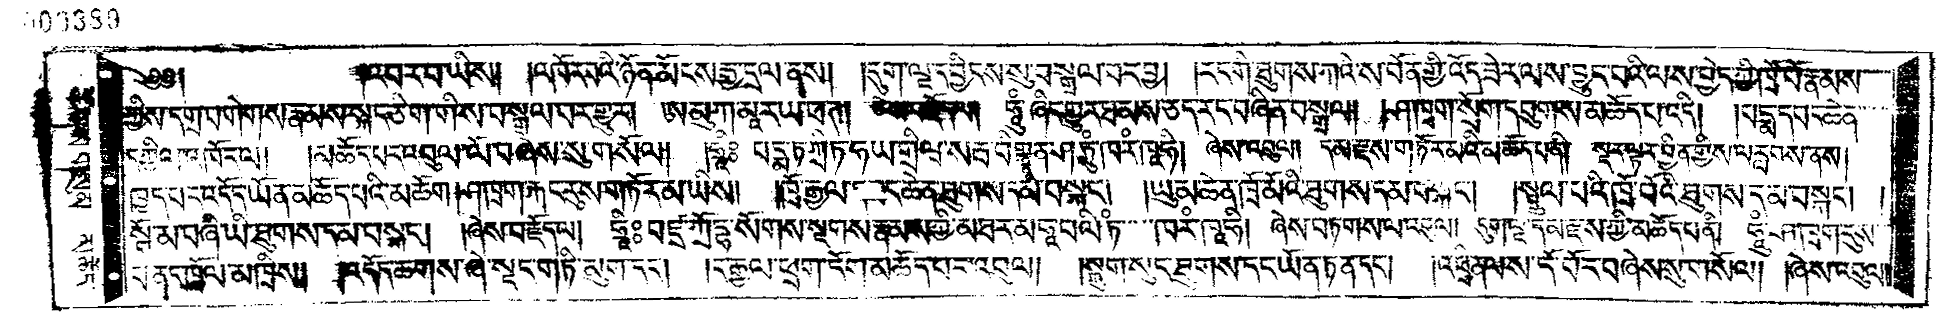༄༅། །འབར་བ་ཡིས། །འཁོར་བའི་ཉོན་མོངས་རྒྱ་དྲལ་ནས། །དུག་ལྔ་དབྱིངས་སུ་བསྒྲལ་བར་བྱ། །རང་གི་ཐུགས་ཀའི་ས་བོན་གྱི་འོད་ཟེར་ལས་བྱུང་བའི་ལས་བྱེད་ཀྱི་ཁྲོ་བོ་རྣམས་
ཀྱིས་དགྲ་བགེགས་རྣམས་སྐད་ཅིག་གིས་བསྒྲལ་བར་གྱུར། །ཨ་མུཀ་མཱར་ཡ་ཕཊ། ཅེས་བརྗོད་ལ།  ཧཱུཾ་ཞིང་གྱུར་ཐམས་ཅད་རང་བཞིན་བསྒྲལ། །ཤ་ཁྲག་སྲོག་དབུགས་མཆོད་པ་འདི། །པདམ་དབང་ཆེན་
དཀྱིལ་འཁོར་ལ། །མཆོད་པར་འབུལ་ལོ་བཞེས་སུ་གསོལ། །ཧྲཱིཿ པདམ་ཏ་ཀྲི་ཏ་ཧ་ཡ་གྲི་ཝ་སརྦ་བིགྷྣཱན་ཤཏྲུཾ་ཁ་རཾ་ཁཱ་ཧི། ཞེས་འབུལ། དམ་རྫས་གཏོར་མའི་མཆོད་པ་ནི། སྔར་ལྟར་བྱིན་གྱིས་ལ་རླབས་ནས།
ཁྱད་པར་འདོད་ཡོན་མཆོད་པའི་མཆོག །ཤ་ཁྲག་རྐང་རུས་གཏོར་མ་ཡིས། །ཁྲོ་རྒྱལ་དབང་ཆེན་ཐུགས་དམ་བསྐང་། །ཡུམ་ཆེན་ཁྲོ་མོའི་ཐུགས་དམ་བསྐང་། །སྤྲུལ་པའི་ཁྲོ་བོའི་ཐུགས་དམ་བསྐང་། །
སྒོ་མ་བཞི་ཡི་ཐུགས་དམ་བསྐང་། ། ཞེས་བརྗོད་ལ།  ཧྲཱིཿ བཛྲ་ཀྲོདྷ་སོགས་སྔགས་རྣམས་ཀྱི་མཐར་མཧཱ་བ་ལི་ཏཾ་ཁ་རཾ་ཁཱ་ཧི། ཞེས་བཏགས་ལ་འབུལ། དུག་ལྔ་དམ་རྫས་ཀྱི་མཆོད་པ་ནི།  ཧཱུཾ་ཤ་ཁྲག་རུས་
པ་ནང་ཁྲོལ་མཁྲིས། །འདོད་ཆགས་ཞེ་སྡང་གཏི་མུག་དང་། །ང་རྒྱལ་ཕྲག་དོག་མཆོད་པར་འབུལ། །སྐུ་གསུང་ཐུགས་དང་ཡོན་ཏན་དང་། །འཕྲིན་ལས་ངོ་བོར་བཞེས་སུ་གསོལ། །ཞེས་འབུལ།